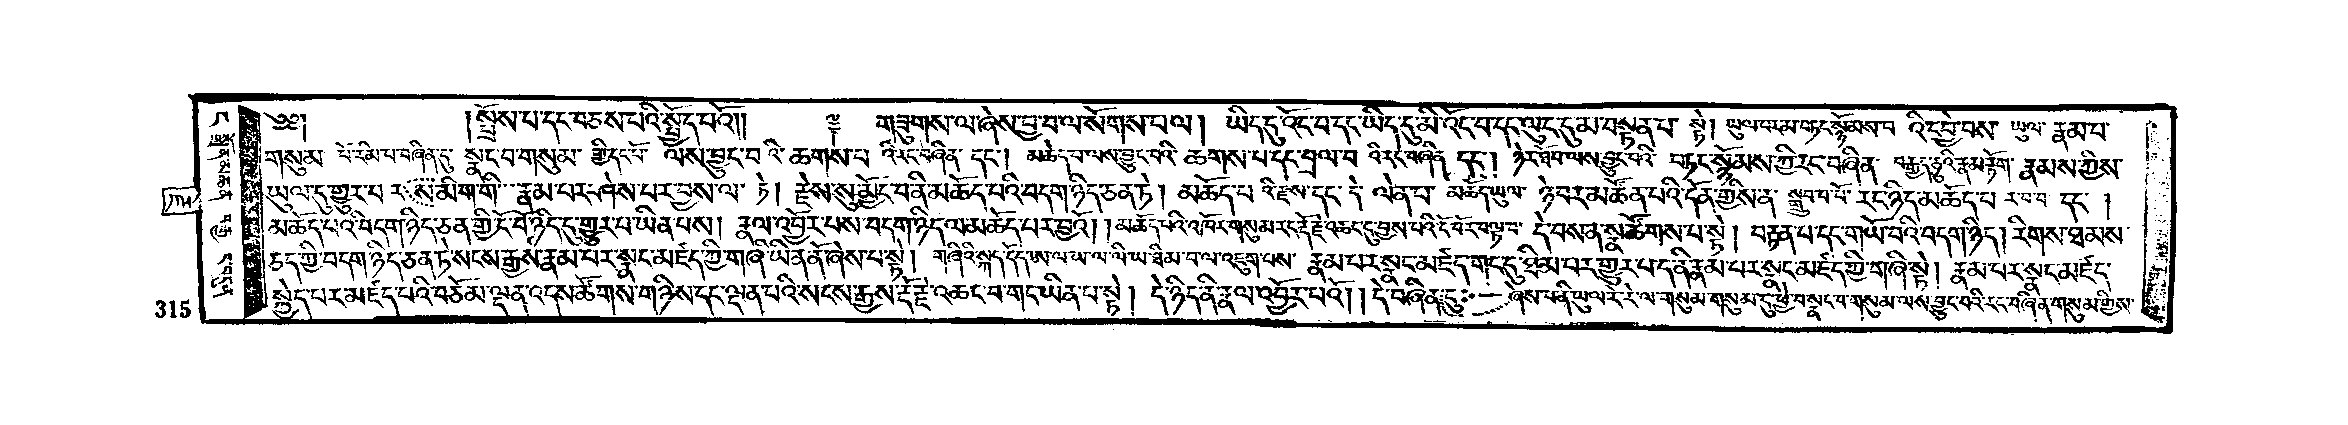༄༅། །སྤྲོས་པ་དང་བཅས་པའི་སྤྱོད་པའོ།། ༈ གཟུགས་ལ་ཞེས་བྱ་བ་ལ་སོགས་པ་ལ། ཡིད་དུ་འོང་བ་དང་ཡིད་དུ་མི་འོང་བ་དང་ལུང་དུ་མ་བསྟན་པ་སྟེ། ཡུལ་བར་མ་བཏང་སྙོམས་པའི་དབྱེ་བས་ཡུལ་རྣམ་པ་
གསུམ་པོ་རིམ་པ་བཞིན་དུ་སྣང་བ་གསུམ་གྱི་དང་པོ་ལས་བྱུང་བའི་ཆགས་པའི་རང་བཞིན་དང་། མཆེད་པ་ལས་བྱུང་བའི་ཆགས་པ་དང་བྲལ་བའི་རང་བཞིན་དང་། ཉེར་ཐོབ་ལས་བྱུང་བའི་བཏང་སྙོམས་ཀྱི་རང་བཞིན་བརྒྱད་ཅུའི་རྣམ་རྟོག་རྣམས་ཀྱིས་
ཡུལ་དུ་གྱུར་པར་ས་མིག་གི་རྣམ་པར་ཤེས་པར་བྱས་ལ་ཏེ།  རྗེས་སུ་མྱོང་བ་ནི་མཆོད་པའི་བདག་ཉིད་ཅན་ཏེ། མཆོད་པའི་རྫས་དང་དེ་ལེན་པ་མཆོད་ཡུལ་ཉེ་བར་མཚོན་པའི་དོན་གྱིས་ན་སྒྲུབ་པ་པོ་རང་ཉིད་མཆོད་པར་བ་བ་དང་།
མཆོད་པའི་བདག་ཉིད་ཅན་གྱི་ངོ་བོ་ཉིད་དུ་གྱུར་པ་ཡིན་པས། རྣལ་འབྱོར་པས་བདག་ཉིད་ལ་མཆོད་པར་བྱའོ། ། མཆོད་པའི་འཁོར་གསུམ་རང་རྡོ་རྗེ་འཆང་དུ་བྱས་པའི་ངོ་བོར་བལྟ་བ་དེ་བས་ན་སྣ་ཚོགས་པ་སྟེ། བརྟན་པ་དང་གཡོ་བའི་བདག་
ཉིད། རིགས་ཐམས་ཅད་ཀྱི་བདག་ཉིད་ཅན་ཏེ་སངས་རྒྱས་རྣམ་པར་སྣང་མཛད་ཀྱི་གཞི་ཡིན་ནོ་ཞེས་པ་སྟེ། གཞིའི་སྐད་དོད་ཨ་ལ་ཡ་ལ་ལི་ཡ་ཐིམ་པ་ལ་འཇུག་པས་རྣམ་པར་སྣང་མཛད་གང་དུ་ཐིམ་པར་གྱུར་པ་དེ་ནི་རྣམ་པར་སྣང་མཛད་ཀྱི་གཞི་སྟེ། རྣམ་པར་སྣང་མཛད་
སྐྱེད་པར་མཛད་པའི་བཅོམ་ལྡན་འདས་ཚོགས་གཉིས་དང་ལྡན་པའི་སངས་རྒྱས་རྡོ་རྗེ་འཆང་བ་གང་ཡིན་པ་སྟེ། དེ་ཉིད་ནི་རྣལ་འབྱོར་པའོ། །དེ་བཞིན་དུཿ་ཞེས་པ་ནི་ཡུལ་རེ་རེ་ལ་གསུམ་གསུམ་དུ་ཕྱེ་བ་སྣང་བ་གསུམ་ལས་བྱུང་བའི་རང་བཞིན་གསུམ་གྱིས